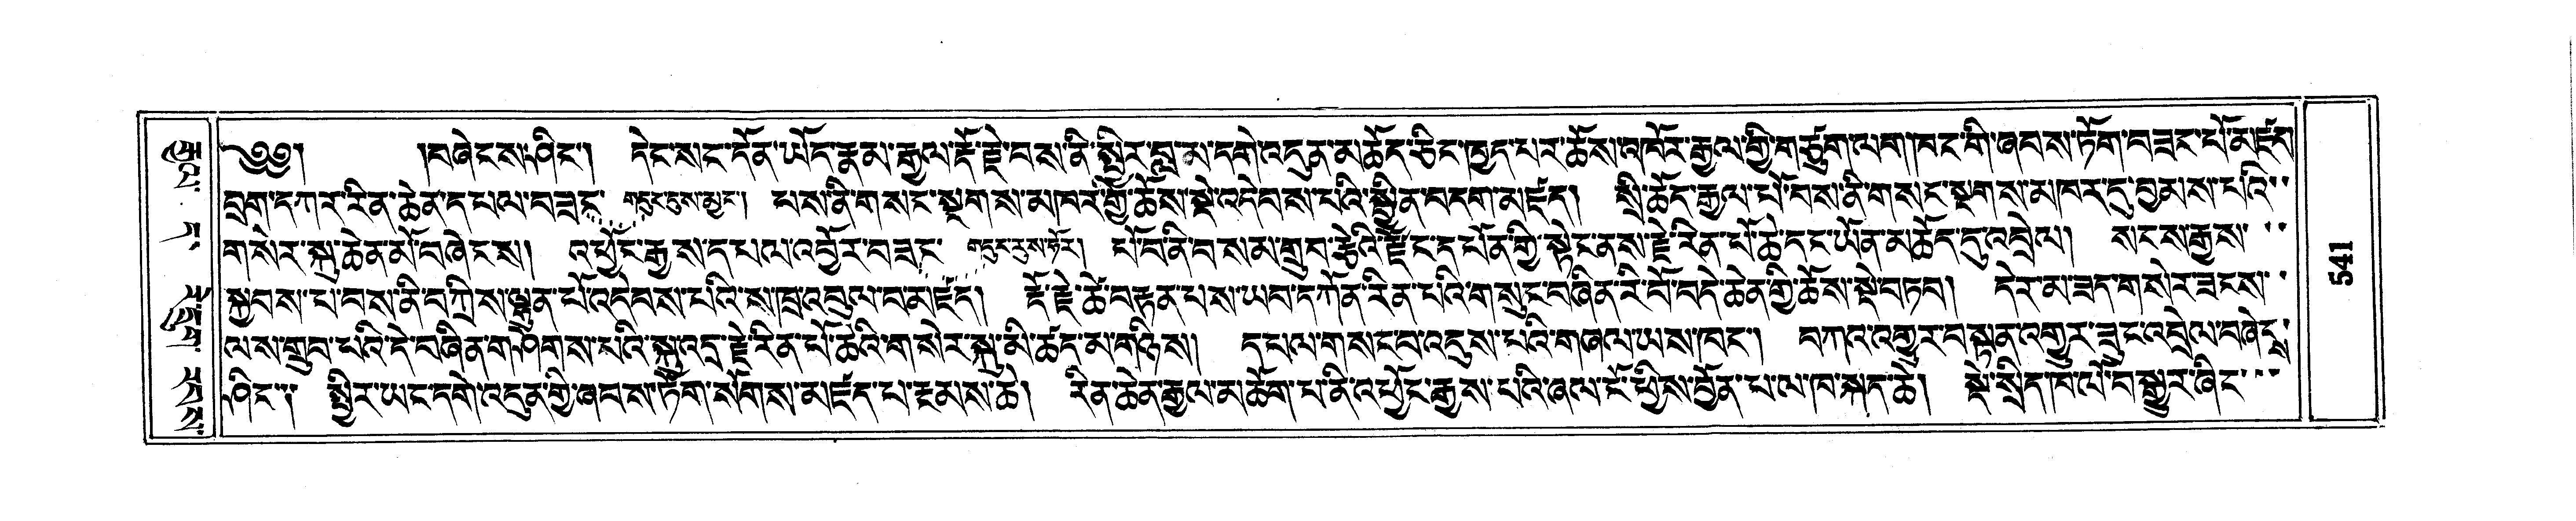༄༅། །བཞེངས་ཤིང་། དེང་སང་དོན་ཡོད་རྣམ་རྒྱལ་རྡོ་རྗེ་བས་ནི་སྤྱིར་བླ་མ་དགེ་འདུན་མཆོད་ཅིང་ཁྱད་པར་ཆོས་འཁོར་རྒྱལ་གྱི་གཙུག་ལག་ཁང་གི་ཞབས་ཏོག་བཟང་པོ་མཛད།
བྲག་དཀར་རིན་ཆེན་དཔལ་བཟང་གདུང་དུས་མྱང་།  པས་ནི་གསང་སྔགས་མཁར་གྱི་ཆོས་སྡེ་འདེབས་པའི་སྦྱིན་བདག་མཛད། སྲི་ཆོད་རྒྱལ་པོ་བས་ནི་གསང་སྔགས་མཁར་དུ་བྱམས་པའི་
གསེར་སྐུ་ཆེན་མོ་བཞེངས། འཕྱོང་རྒྱས་དཔལ་འབྱོར་བཟང་གདུང་རུས་ཧོར།  པོ་བ་ནི་བསམ་གྲུབ་རྩེའི་རྫོང་དཔོན་གྱི་སྟེང་ནས་རྗེ་རིན་པོ་ཆེ་དང་ཡོན་མཆོད་དུ་འབྲེལ། སངས་རྒྱས་
སྐྱབས་པ་བས་ནི་བཀྲིས་ལྷུན་པོ་འདེབས་པའི་ས་ཁྲ་འབུལ་བ་མཛད། རྡོ་རྗེ་ཚེ་བརྟན་པས་ཡབ་དཀོན་རིན་པའི་གསུང་བཞིན་རི་བོ་བདེ་ཆེན་གྱི་ཆོས་སྡེ་བཏབ། དེར་མ་ཟད་གསེར་ཟངས་
ལས་གྲུབ་པའི་དེ་བཞིན་གཤེགས་པའི་སྐུ་འདྲ་རྗེ་རིན་པོ་ཆེའི་གསེར་སྐུ་མི་ཚད་མ་གཉིས། དཔལ་གསང་བ་འདུས་པའི་གཞལ་ཡས་ཁང་། བཀའ་འགྱུར་བསྟན་འགྱུར་ཟུང་འབྲེལ་བཞེངས་
ཤིང༑ སྤྱིར་ཡང་དགེ་འདུན་གྱི་ཞབས་ཏོག་སོགས་མཛད་པ་རྔམས་ཆེ། རིན་ཆེན་རྒྱལ་མཆོག་པ་ནི་འཕྱོང་རྒྱས་པའི་ཞལ་ངོ་ཕྱིས་བྱོན་པ་ལ་ཁ་སྐད་ཆེ། སྡེ་སྲིད་ཁ་ལོ་བསྒྱུར་ཞིང་